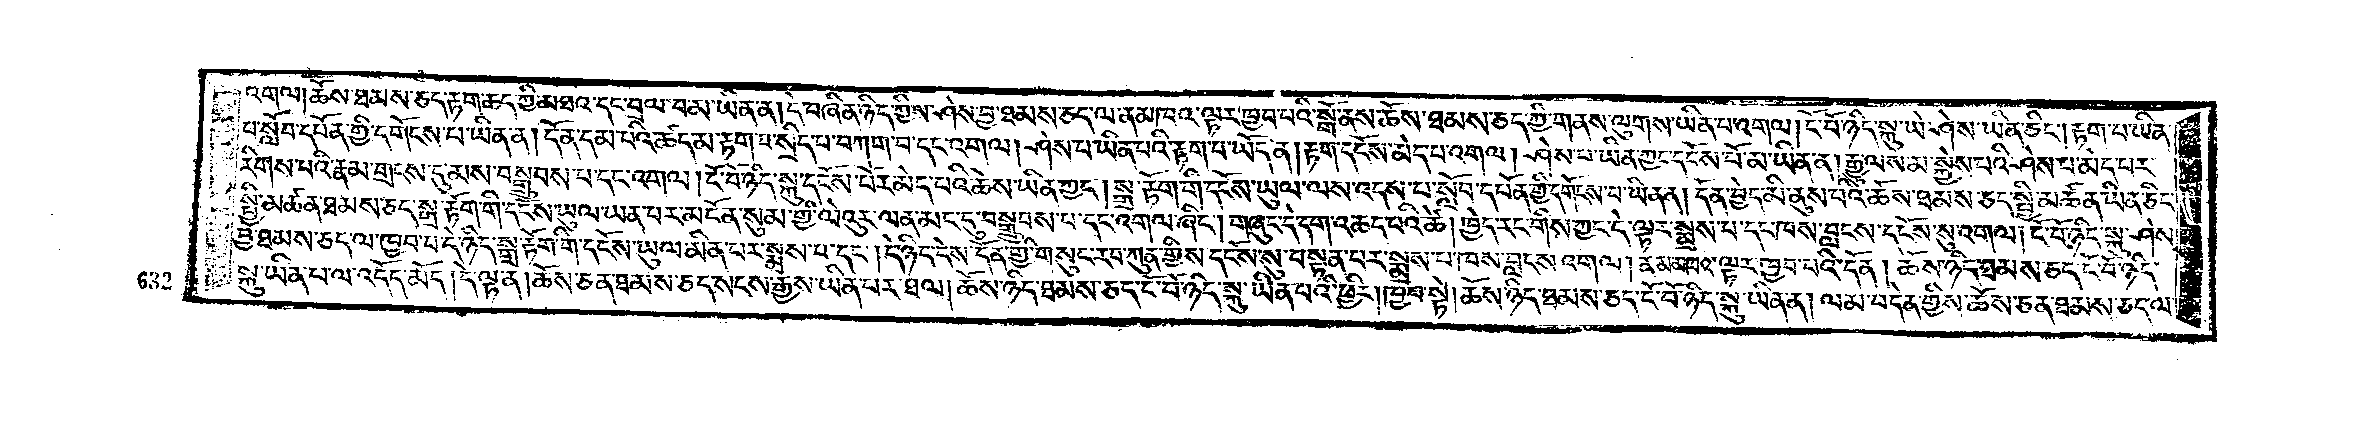འགལ། ཆོས་ཐམས་ཅད་རྟག་ཆད་ཀྱི་མཐའ་དང་བྲལ་བ་མ་ཡིན་ན། དེ་བཞིན་ཉིད་ཀྱིས་ཤེས་བྱ་ཐམས་ཅད་ལ་ནམ་མཁ་ལྟར་ཁྱབ་པའི་སྒོ་ནས་ཆོས་ཐམས་ཅད་ཀྱི་གནས་ལུགས་ཡིན་པ་འགལ། ངོ་བོ་ཉིད་སྐུ་ཡེ་ཤེས་ཡིན་ཅིང་། རྟག་པ་ཡིན་
པ་སློབ་དཔོན་གྱི་དགོངས་པ་ཡིན་ན། དོན་དམ་པའི་ཚད་མ་རྟག་པ་སྲིད་པ་བཀག་པ་དང་འགལ། ཤེས་པ་ཡིན་པའི་རྟག་པ་ཡོད་ན། རྟག་དངོས་མེད་པ་འགལ། ཤེས་པ་ཡིན་ཀྱང་དངོས་པོ་མ་ཡིན་ན། རྒྱུ་ལས་མ་སྐྱེས་པའི་ཤེས་པ་མེད་པར་
རིགས་པའི་རྣམ་གྲངས་དུ་མས་བསྒྲུབས་པ་དང་འགལ། ངོ་བོ་ཉིད་སྐུ་དངོས་པོར་མེད་པའི་ཆོས་ཡིན་ཀྱང་། སྒྲ་རྟོག་གི་དངོས་ཡུལ་ལས་འདས་པ་སློབ་དཔོན་གྱི་དགོངས་པ་ཡིན་ན། དོན་བྱེད་མི་ནུས་པའི་ཆོས་ཐམས་ཅད་སྤྱི་མཚན་ཡིན་ཅིང་ཕྱི་མཚན་ཐམས་ཅད་སྒྲ་རྟོག་གི་དངོས་ཡུལ་ཡིན་པར་མངོན་སུམ་གྱི་ལེའུར་ལན་མང་དུ་བསྒྲུབས་པ་དང་འགལ་ཞིང་། གཞུང་དེ་དག་འཆད་པའི་ཚེ། ཁྱེད་རང་གིས་ཀྱང་དེ་ལྟར་སྨྲས་པ་དང་ཁས་བླངས་དངོས་སུ་འགལ། ངོ་བོ་ཉིད་སྐུ་ཤེས་
བྱ་ཐམས་ཅད་ལ་ཁྱབ་པ་དེ་ཉིད་སྒྲ་རྟོག་གི་དངོས་ཡུལ་མིན་པར་སྨྲས་པ་དང་། དེ་ཉིད་དེས་དོན་གྱི་གསུང་རབ་ཀུན་གྱིས་དངོས་སུ་བཏན་པར་སྨྲས་པ་ཁས་བླངས་འགལ། ནམ་མཁའ་ལྟར་ཁཡབ་པའི་དོན། ཆོས་ཉིད་ཐམས་ཅད་ངོ་བོ་ཉིད་
སྐུ་ཡིན་པ་ལ་འདོད་མོད། དེ་ལྟ་ན། ཆོས་ཅན་ཐམས་ཅད་སངས་རྒྱས་ཡིན་པར་ཐལ། ཆོས་ཉིད་ཐམས་ཅད་ངོ་བོ་ཉིད་སྐུ་ཡིན་པའི་ཕྱིར། ཁྱབ་ཚེ། ཆོས་ཉིད་ཐམས་ཅད་ངོ་བོ་ཉིད་སྐུ་ཡིན་ན། ལམ་བདེན་གྱིས་ཆོས་ཅན་ཐམས་ཅད་ལ་